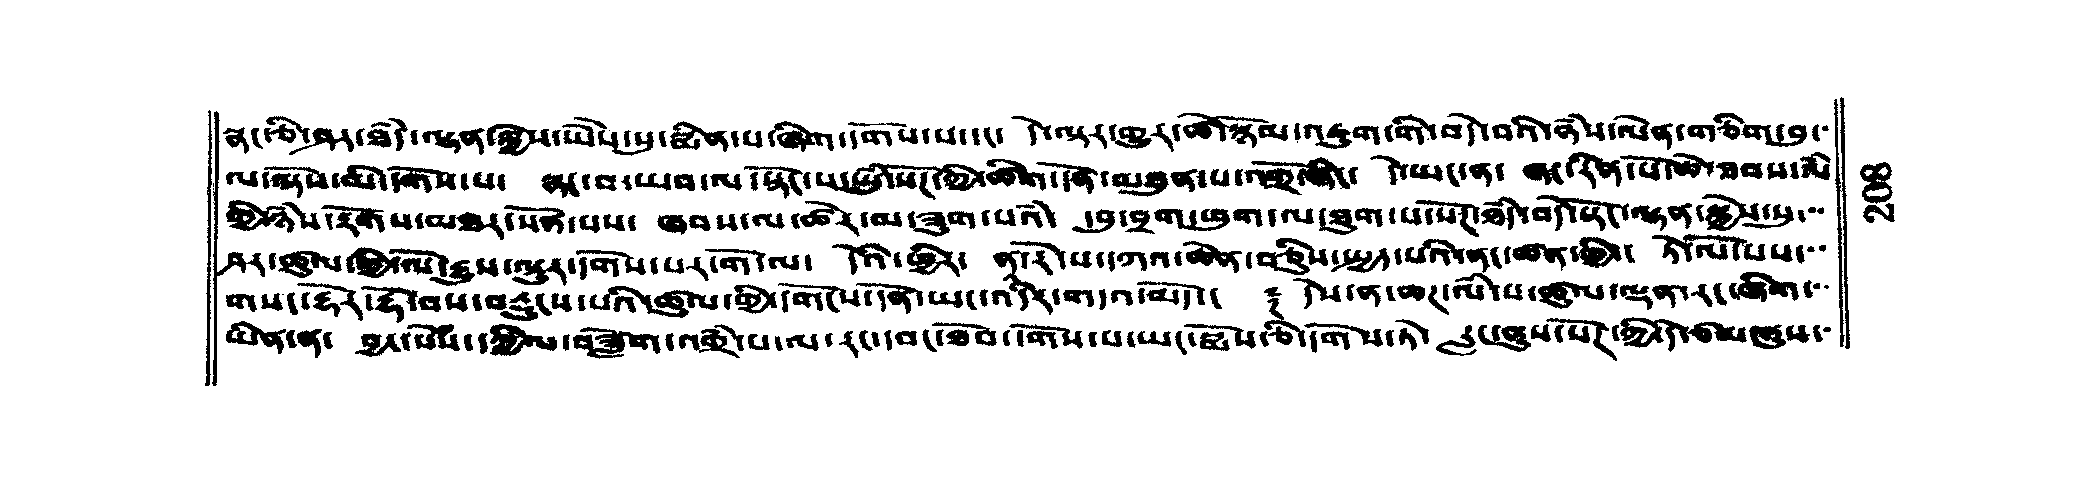སྣང་ཅི་ཤར་ཐམས་ཅད་ལྷན་སྐྱེས་ཡེ་ཤེས་སུ་སྨིན་པ་ཞིག་དགོས་པ་དང་། དེ་ལྟར་གྱུར་ཚེ་སྙོམ་འཇུག་གི་བདེ་བའི་ཉམས་ལེན་གཅིག་བུ་
ལ་ལྟོས་མི་དགོས་པ། སྣང་བ་ཡབ་ལ་སྟོང་པ་ཡུམ་སོགས་ཀྱི་ཚིག་དོན་མཐུན་པ་འགྲོ་ཞིང་། དེ་ཡང་ན། ཞང་རིན་པོ་ཆེ་ཐབས་ལམ་
གྱི་ཉམས་རྟོགས་མཐར་སོན་པས། ཞབས་ལ་ཚེར་མ་ཟུག་པའམ། དབུ་བྲག་ཕུག་ལ་ཐུག་པ་སོགས་ཐམས་ཅད་བདེ་སྟོང་ལྷན་སྐྱེས་སུ་
ཤར་ཚུལ་གྱི་ལོ་རྒྱུས་ལྟ་བུར་དགོས་པར་གོ་ལ། དེའི་ཕྱིར། ནཱ་རོ་པ་དཀའ་ཆེན་བཅུ་གཉིས་སྤྱད་པའི་ནང་ཚན་གྱི། ཏེ་ལོ་པས་
གསང་རྡོར་རྡོ་བས་བརྡུངས་པའི་ཚུལ་གྱི་དགོངས་དོན་ཡང་འདིར་གདའ་མོད། དེས་ན་ཆགས་ལམ་པ་ཚུལ་ལྡན་ཞིག་
ཡིན་ན། བྱང་སེམས་དཀྱིལ་བཟློག་འགྲམ་པ་ལ་རང་དབང་ཐོབ་དགོས་པ་ཡང་སྨོས་ཅི་དགོས་ཏེ། རླུང་ནུས་སོགས་ཀྱི་དེ་ཙམ་ནུས་